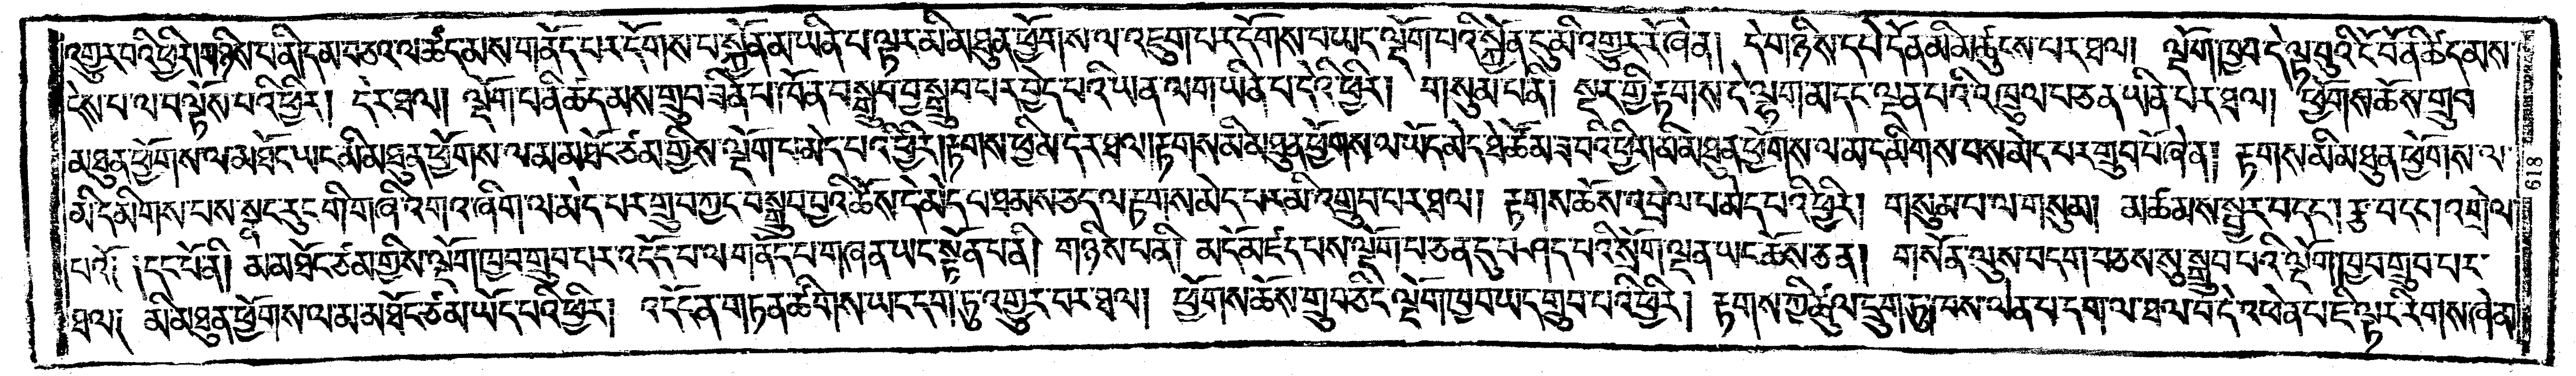འགྱུར་བའི་ཕྱིར། གཉིས་པ་ནི། དམ་བཅའ་ལ་ཚད་མས་གནོད་པར་དོགས་པ་སྐྱོན་མ་ཡིན་པ་ལྟར་མི་མཐུན་ཕྱོགས་ལ་འཇུག་པར་དོགས་པ་ཡང་ལྡོག་པའི་སྐྱོན་དུ་མི་འགྱུར་རོ་ཞེ་ན། དེ་གཉིས་དཔེ་དོན་མི་མཚུངས་པར་ཐལ། ལྡོག་ཁྱབ་དེ་ལྟ་བུའི་ངོ་བོ་ནི་ཚད་མས་
ངེས་པ་ལ་བལྟོས་པའི་ཕྱིར། དེར་ཐལ། ལྡོག་པ་ནི་ཚད་མས་གྲུབ་ཟིན་པ་ཁོ་ན་བསྒྲུབ་བྱ་སྒྲུབ་པར་བྱེད་པའི་ཡན་ལག་ཡིན་པ་དེའི་ཕྱིར། གསུམ་པ་ནི། སྔར་གྱི་རྟགས་དེ་ལྷག་མ་དང་ལྡན་པའི་འཁྲུལ་པ་ཅན་ཡིན་པར་ཐལ། ཕྱོགས་ཆོས་གྲུབ་
མཐུན་ཕྱོགས་ལ་མཐོང་ཡང་མི་མཐུན་ཕྱོགས་ལ་མ་མཐོང་ཙམ་གྱིས་ལྡོག་པ་མེད་པའི་ཕྱིར། རྟགས་ཕྱི་མ་དེར་ཐལ། རྟགས་མི་མཐུན་ཕྱོགས་ལ་ཡོད་མེད་ཐེ་ཚོམ་ཟ་བའི་ཕྱིར། མི་མཐུན་ཕྱོགས་ལ་མ་དམིགས་པས་མེད་པར་གྲུབ་པོ་ཞེ་ན། རྟགས་མི་མཐུན་ཕྱོགས་ལ་
མི་དམིགས་པས་སྣང་རུང་གི་གཞི་འགའ་ཞིག་ལ་མེད་པར་གྲུབ་ཀྱང་བསྒྲུབ་བྱའི་ཆོས་དེ་མེད་པ་ཐམས་ཅད་ལ་རྟགས་མེད་པར་མི་འགྲུབ་པར་ཐལ། རྟགས་ཆོས་འབྲེལ་པ་མེད་པའི་ཕྱིར། གསུམ་པ་ལ་གསུམ། མཚམས་སྦྱར་བ་དང་། རྩ་བ་དང་། འགྲེལ་
པའོ། །དང་པོ་ནི། མ་མཐོང་ཙམ་གྱིས་ལྡོག་ཁྱབ་གྲུབ་པར་འདོད་པ་ལ་གནོད་པ་གཞན་ཡང་སྟོན་པ་ནི། གཉིས་པ་ནི། མདོ་མཛད་པས་ལྡོག་པ་ཅན་དུ་བཤད་པའི་སྲོག་ལྡན་ཡང་ཆོས་ཅན། གསོན་ལུས་བདག་བཅས་སུ་སྒྲུབ་པའི་ལྡོག་ཁྱབ་གྲུབ་པར་
ཐལ། མི་མཐུན་ཕྱོགས་ལ་མ་མཐོང་ཙམ་ཡོད་པའི་ཕྱིར། འདོད་ན་གཏན་ཚིགས་ཡང་དག་ཏུ་འགྱུར་བར་ཐལ། ཕྱོགས་ཆོས་གྲུབ་ཅིང་ལྡོག་ཁྱབ་ཡང་གྲུབ་པའི་ཕྱིར། རྟགས་ཀྱི་ཚུལ་དྲུག་ཏུ་ཁས་ལེན་པ་དག་ལ་ཐལ་བ་དེ་འཕེན་པ་ཇི་ལྟར་རིགས་ཞེ་ན།